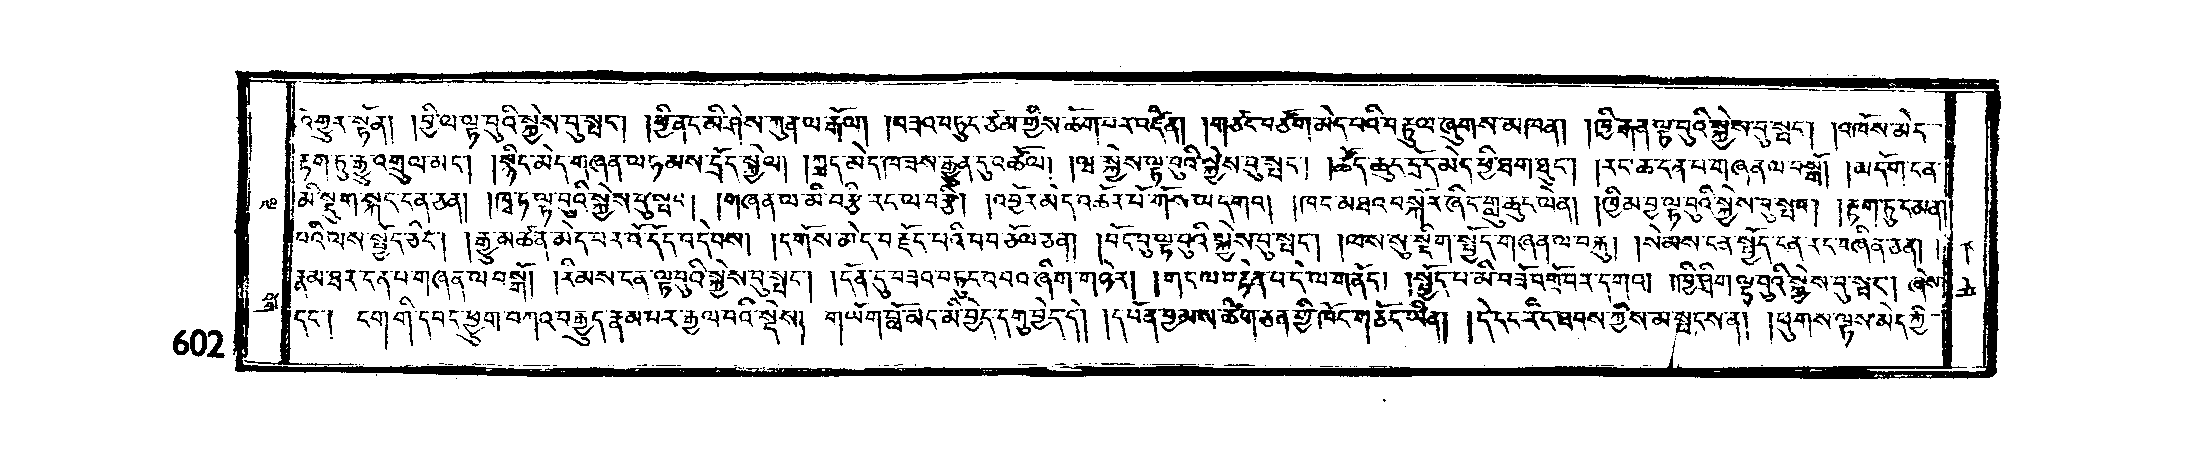འགྱུར་སྟོན། །བྱི་ལ་ལྟ་བུའི་སྐྱེས་བུ་སྤང་། །ཕྱི་ནང་མི་ཤེས་ཀུན་ལ་རྒོལ། །བཟའ་བཏུང་ཙམ་གྱིས་ཆོག་པར་འཛིན། །གཙང་བཙོག་མེད་པའི་བརྟུལ་ཞུགས་མཁན། །ཁྱི་རྒན་ལྟ་བུའི་སྐྱེས་བུ་སྤང་། །འཁོས་མེད་
རྟག་ཏུ་རྒྱུ་འགྲུལ་མང་། །སྙིང་མེད་གཞན་ལ་ཉམས་དྲོད་སྐྱེལ། །ཀླད་མེད་ཁ་ཟས་རྒྱུན་དུ་འཚོལ། །ཝ་སྐྱེས་ལྟ་བུའི་སྐྱེས་བུ་སྤང་། །ཚོད་ཆུང་དྲོད་མེད་ཕྱི་ཐག་ཐུང་། །རང་ཆ་ངན་པ་གཞན་ལ་བསྒོ། །མདོག་ངན་
མི་སྡུག་སྐད་ངན་ཅན། །ཁྭ་ཏ་ལྟ་བུའི་སྐྱེས་བུ་སྤང་། །གཞན་ལ་མི་བརྩི་རང་ལ་བརྩི། །འབྱོར་མེད་འཆོར་པོ་ཀོས་ལ་དགའ། །ཁང་མཐའ་བསྐོར་ཞིང་གླུ་ཆུང་ལེན། །ཁྱིམ་བྱ་ལྟ་བུའི་སྐྱེས་བུ་སྤང་། །རྟག་ཏུ་དམན་
པའི་ལས་སྤྱོད་ཅིང་། །རྒྱུ་མཚན་མེད་པར་འོ་དོད་འདེབས། །དགོས་མེད་བརྗོད་པའི་བབ་ཅོལ་ཅན། །བོང་བུ་ལྟ་བུའི་སྐྱེས་བུ་སྤང་། །ལས་སུ་སྡིག་སྤྱོད་གཞན་ལ་བརྐུ། །སེམས་ངན་སྤྱོད་ངན་རང་བཞིན་ཅན། །
རྣམ་ཐར་ངན་པ་གཞན་ལ་བསྒོ། །རིམས་ངན་ལྟ་བུའི་སྐྱེས་བུ་སྤང་། །དོན་དུ་བཟའ་བཏུང་འབབ་ཞིག་གཉེར། །གང་ལ་བརྟེན་པ་དེ་ལ་གནོད། །སྤྱོད་པ་མི་བཟོ་བགྲོ་བར་དགའ། །ཁྱི་ཤིག་ལྟ་བུའི་སྐྱེས་བུ་སྤང་། ཞེས་
དང་ངག་གི་དབང་ཕྱུག་བཀའ་བརྒྱུད་རྣམ་པར་རྒྱལ་བའི་སྡེས། གཡོག་བློ་མང་མི་བྱེད་དགུ་བྱེད་དེ། །དཔོན་བྱམས་ཚིག་ཅན་གྱི་ཁོང་གཅོང་ཡིན། །དེ་དང་རིང་ཐབས་ཀྱིས་མ་སྤངས་ན། །ཕུགས་ལྟས་མེད་ཀྱི་